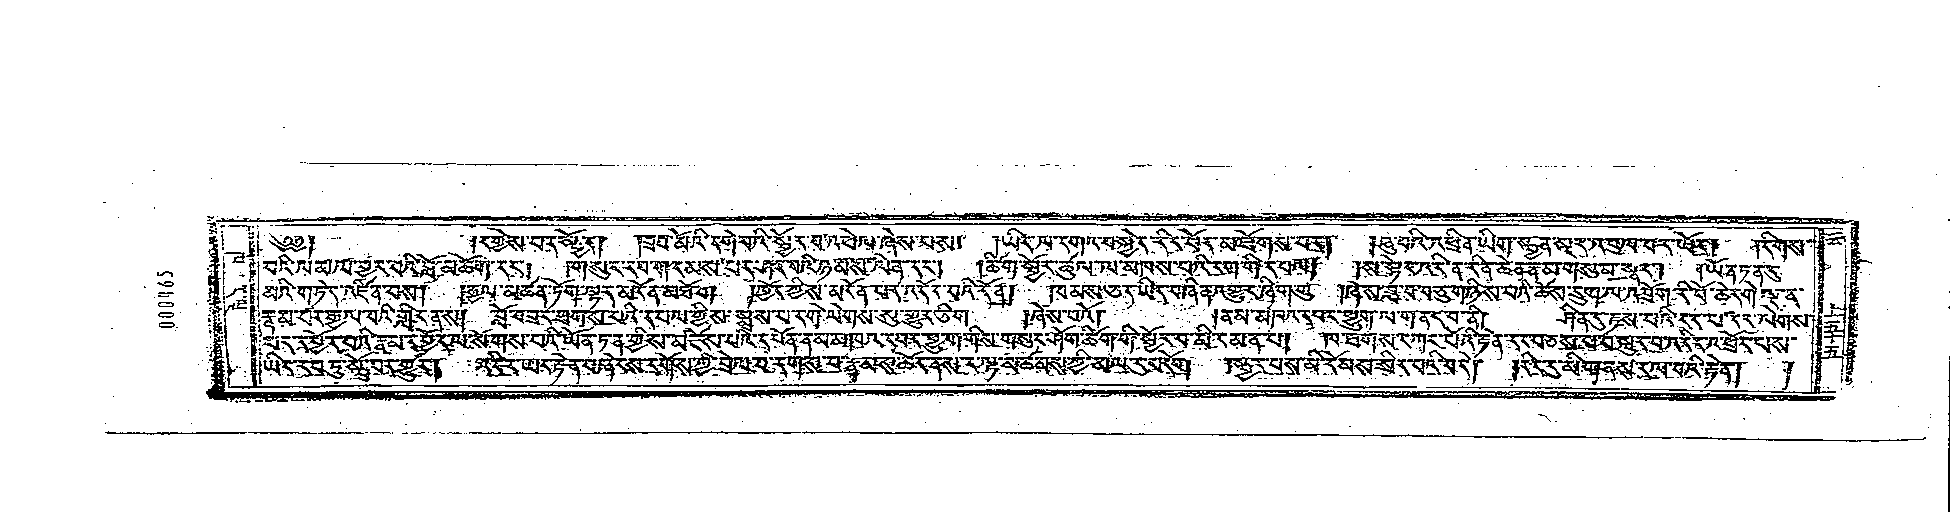༄༅། །དགྱེས་པར་སྤྱོད། །ཟབ་མོའི་དགེ་བའི་སྤྱོད་བ་འཕེལ་ཞེས་པས། །ཡིད་ལ་དགའ་བསྐྱེད་རིང་པོར་མ་ཐོགས་པར། །ཞུ་བའི་འཕྲིན་ཡིག་སྤྱན་སྔར་འབུལ་བར་ཡོད། །རིགས་
བའི་ལམ་ལ་བྱུང་བའི་བློ་མཆོག་དང་། །གསུང་རབ་གདམས་པར་ཤར་བའི་ཉམས་ལེན་དང་། །ཚིག་སྦྱོར་ཚུལ་ལ་མཁས་པའི་ངག་གི་དཔལ། །ས་སྟེང་འདི་ན་རིན་ཆེན་རྣམ་གསུམ་སྣང་། །ཡོན་ཏན་དུ་
མའི་གཏེར་འཛིན་པས། །རྒྱལ་མཚན་ཏོག་ལྟར་མངོན་མཐོ་བ། །ཁྱོད་ཀྱིས་མངོན་པར་འདོད་བའི་དོན། ཁམས་ཅད་ཡིད་བཞིན་འགྱུར་ཞིག་གུ །ཞེས་བླ་བ་བཅུ་གཉིས་པའི་ཚེས་དྲུག་ལ་འབྲོག་རི་བོ་ཆེ་དགེ་ལྡན་
རྣམ་པར་རྒྱལ་བའི་གླིང་ནས། བློ་བཟང་གྲགས་པའི་དཔལ་གྱིས་སྨྲས་པ་དགེ་ལེགས་སུ་གྱུར་ཅིག །ཞེས་པའོ། །ནམ་མཁའ་དབང་ཕྱུག་ལ་གནང་བ་ནི། ཤིན་ཏུ་རྟས་པའི་དང་པ་ངར་ལེགས་
པར་དཔྱོད་པའི་རྣམ་དཔྱོད་ལ་སོགས་པའི་ཡོན་ཏན་གྱིས་མཛེས་པའི་དཔོན་ནམ་མཁའ་དབང་ཕྱུག་གིས་གསུང་ཤོག་ཚིག་གི་སྦྱོར་བ་མི་དམན་པ། ཁ་ཐགས་དཀར་པོའི་རྟེན་དང་བཅས་པ་བསྐུར་བ་འདིར་འཕྲོད་པས་
ཡིད་རབ་ཏུ་སྤྲོ་བར་གྱུར། འདིར་ཡང་རྟེན་བཞེངས་དགོས་ཀྱི་བྲེལ་བ་རགས་པ་རྣམས་ཆོད་ནས་ད་ལྟ་མཚམས་ཀྱི་མལ་དུ་བདོག །སྤྱང་པས་མི་དོམས་སྲིད་པའི་བདེ། །རིང་དུ་མི་གནས་ངལ་བའི་རྟེན། །